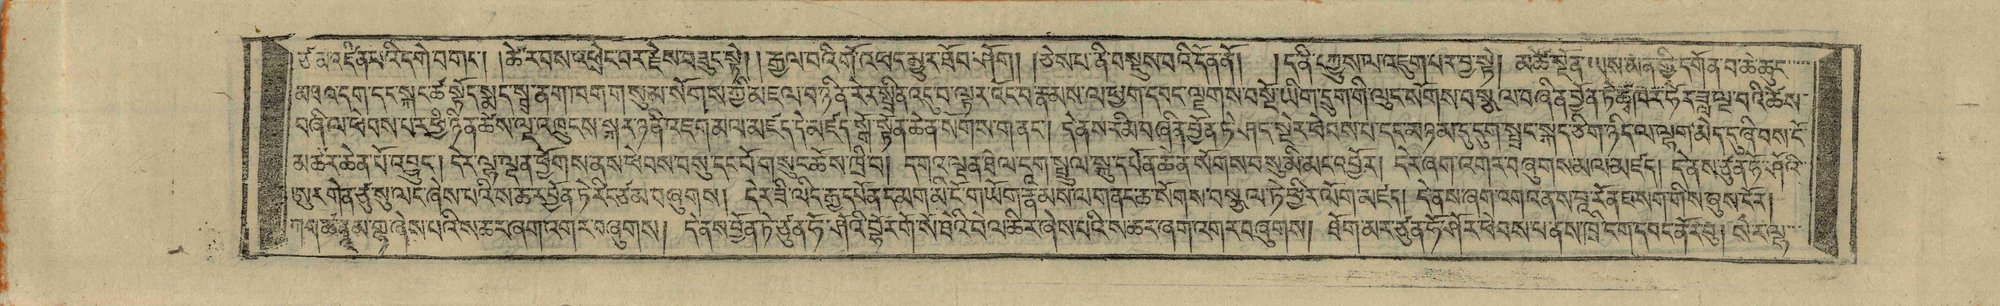ཙམ་འཛིན་པའི་དགེ་བ་གང་། །ཚེ་རབས་འཕྲེང་བར་རྗེས་བཟུང་སྟེ། །རྒྱལ་བའི་གོ་འཕང་མྱུར་ཐོབ་ཤོག །ཅེས་པ་ནི་བསྡུས་བའི་དོན་ནོ། །ད་ནི་དཀྱུས་ལ་འཇུག་པར་བྱ་སྟེ། མཚོ་སྔོན་ཡས་མན་གྱི་དགོན་བ་ཆེ་ཆུང་
མཐའ་དག་དང་སྐང་ཚ་སྟོད་སྨད་སྦྲ་ནག་ཁག་གསུམ་སོགས་ཀྱི་མཇལ་བ་ཉིན་རེར་སྤྲིན་འདུ་བ་ལྟར་འོང་བ་རྣམས་ལ་ཕྱག་དབང་ལྗགས་བསྔོ་ཡིག་དྲུག་གི་ལུང་སོགས་བསྩལ་བཞིན་བྱོན་ཏེ་ཚྭ་ཁར་ཧོར་ཟླ་ལྔ་བའི་ཚེས་
བཞི་ལ་ཕེབས་པར་ཕྱི་ཉིན་ཚེས་ལྔ་འཁྲུངས་སྐར་ཉིན་འཇག་མལ་མཛད་དེ་མཛད་སྒོ་སྟོན་ཆེན་སོགས་གནང་། དེ་ནས་རིམ་བཞིན་བྱོན་ཏེ་ཤང་སྔེར་ཕེབས་པ་དང་མཉམ་དུ་དུག་སྦྲང་སྐད་ཅིག་ཉིད་ལ་ལྷག་མེད་དུ་ཞི་བས་ངོ་
མཚར་ཆེན་པོ་འབྱུང་། དེར་ལྷ་ལྡན་ཕྱོགས་ནས་ཕེབས་བསུ་དང་པོ་གསུང་ཆོས་ཁྲི་བ། དགའ་ལྡན་ཐེལ་དཱག་སྤྲུལ་སྐུ་དཔོན་ཆེན་སོགས་བསུ་མི་མང་འབྱོར། དེར་ཞག་འགར་བཞུགས་མལ་མཛད། དེ་ནས་ཙུན་ཧོ་ཤོའི་
ཨུར་གེན་ཙུ་སུ་ལང་ཞེས་པའི་ས་ཆར་བྱོན་ཏེ་རིང་ཙམ་བཞུགས། དེར་ཟི་ལིང་རྒྱ་དཔོན་དམག་མི་ངོ་གཡོག་རྣམས་ལ་གནང་ཆ་སོགས་བསྩལ་ཏེ་ཕྱིར་ལོག་མཛད། དེ་ནས་ཞག་འགའ་ནས་བཱ་རོན་ཇ་སག་གིས་ཞུས་ངོར།
ཀག་ཚ་ནཱམ་གྷ་ཞེས་པའི་ས་ཆར་ཞག་འགར་བཞུགས། དེ་ནས་བྱོན་ཏེ་ཙུན་ཧོ་ཤོའི་བྷོར་གོ་སོ་ཐེའི་བེལ་ཆིར་ཞེས་པའི་ས་ཆར་ཞག་འགར་བཞུགས། ཐོག་མར་ཙུན་ཧོ་ཤོར་ཕེབས་པ་ནས་ཁྲི་ངག་དབང་ནོར་བུ། སེར་ལྷ་